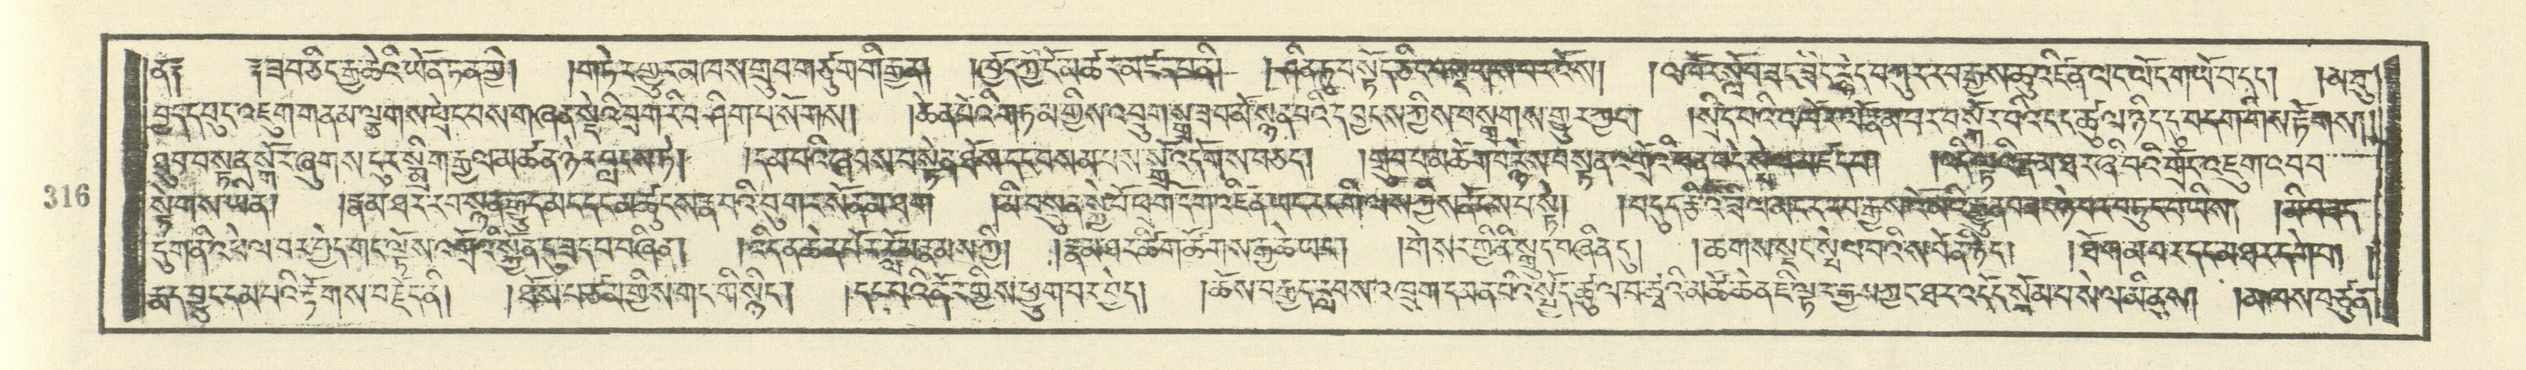ན༑ ༑ཟབ་ཅིང་རྒྱ་ཆེའི་ཡོན་ཏན་གྱི། །གཏེར་གྱུར་མཁས་གྲུབ་གཙུག་གི་རྒྱན། །ཁྱོད་ཀྱི་ངོ་མཚར་མཛད་པ་ནི། །ཤིན་ཏུ་བསྟོད་ཅིང་བསྔགས་བར་འོས། །འཁོར་སློབ་བཟང་ཟིང་རྙེད་བཀུར་རབ་རྒྱས་ཆུ་འཛིན་ལང་ལོང་གཡོ་བ་དང་། །མཐུ་
བྱད་དཔུང་འཇུག་གནམ་ལྕགས་ཕྲེང་བས་གཞན་སྡེའི་བྲག་རི་བཤིག་པ་སོགས། །ཆེན་པོའི་གཏམ་གྱིས་འབྲུག་སྒྲ་ཟབ་མོ་སྙན་པའི་དབྱངས་ཀྱིས་བསྒྲག་སྒྱུར་ཀྱང་། །སྲིད་པའི་འཁོར་ལོ་རྣམ་པར་བསྐོར་བའི་ངང་ཚུལ་ཉིད་དུ་བདག་གིས་རྟོགས།།
ཐུབ་བསྟན་སྒོར་ཞུགས་དུར་སྨྲིག་རྒྱལ་མཚན་ཉེར་བླངས་ཏེ། །དམ་པའི་ཞབས་བསྟེན་ཐོས་དང་བསམ་པས་སྒྲོ་འདོགས་བཅད། །གྲུབ་པ་མཆོག་བརྙེས་བསྟན་འགྲོའི་ཕན་བདེ་སྤེལ་མཛད་པ། །འདི་ལྟའི་རྣམ་ཐར་ཞི་བའི་གྲོང་འཇུག་འབབ་
སྟེགས་ཡིན། །རྣམ་ཐར་རབ་སྙན་རྒྱུད་མང་དང་མཚུངས་རྣ་བའི་བུ་གར་སོན་མ་ཐག །མི་བསྲུན་སྐྱེ་བོ་ཕྲག་དོག་འཛིན་ཡང་རང་གི་ལས་ཀྱིས་ནོངས་པ་སྟེ། །བདུད་རྩིའི་ཟིལ་མངར་རབ་རྒྱས་འོ་མའི་རྒྱུན་བཟང་ཉེ་བར་བཏུང་བ་ཡིས། །མི་བཟད་
དུག་ནི་འཕེལ་བར་བྱེད་གང་ལྟོས་འགྲོའི་སྐྱོན་དུ་ཟད་པ་བཞིན། །འདི་ན་ཆེན་པོར་རློམ་རྣམས་ཀྱི། །རྣམ་ཐར་ཚིག་ཚོགས་རྒྱ་ཆེ་ཡང་། །གསེར་གྱི་ནི་སྒྲུད་བཞིན་དུ། །ཆགས་སྡང་སྤེལ་བའི་ས་བོན་ཉིད། །ཐོག་མ་བར་དང་མཐར་དགེ་བ། །
རྨད་བྱུང་དམ་པའི་རྟོགས་བརྗོད་ནི། །ཐོས་པ་ཙམ་གྱིས་གང་གི་སྙིང་། །དང་པའི་ནོར་གྱིས་ཕྱུག་པར་བྱེད། །ཆོས་བརྒྱད་རླབས་འཁྲུག་དམན་པའི་སྤྱོད་ཚུལ་བ་ཚྭའི་མཚོ་ཆེན་ཇི་ལྟར་རྒྱས་ཀྱང་ཐར་འདོད་སྐོམ་པ་སེལ་མི་ནུས། །མཁས་བཙུན་